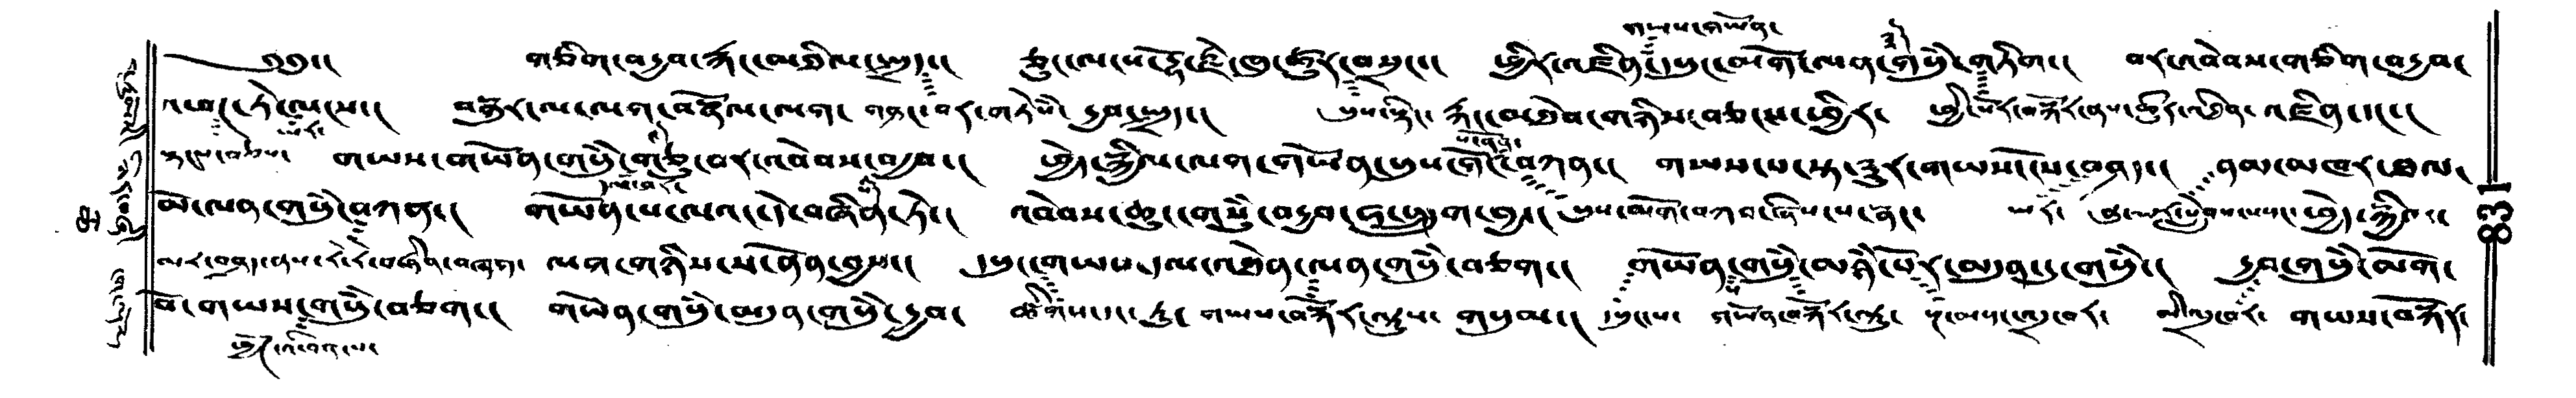གཅིག་བརྒྱབ་རྐང་མཐིལ་སྤྲད། །ཅུང་ལངས་རྡོ་རྗེ་ཁུ་ཚུར་བསྲང་། །ཕྱིར་འཛིན་དཔུང་མགོ་ལན་གསུམ་གཏེག། བར་འབེབས་གཅིག་བརྒྱབ་
འཕགས་ཏེ་ལངས། །བསྒུར་ལ་ལག་བསྣོལ་ལག་རྒྱབ་སྤྲད། །རྐང་མཐེབ་གཉིས་བཅངས་ཕྱིར་འཛིན་དང་། །
གཡས་གཡོན་གསུམ་གཅུ་བར་འབེབས་བརྒྱབ། །ཕྱེད་སྐྱིལ་ལག་གཡོན་པུས་གོང་བཀན། །གཡས་པ་སྟ་ཟུར་གཡས་ངོས་བཤད། །ནམ་མཁར་ཐལ་
མོ་ལན་གསུམ་བཀན། །གཡོན་པ་ལའང་དེ་བཞིན་ཏེ། །འབེབས་ཆུང་གསུམ་བརྒྱབ་ཧ་སྤྲུག་བྱ། །ཕྱེད་སྐྱིལ་
ལག་གཉིས་ས་ནོན་བྱས། །དཔུང་གཡས་དལ་འཐེན་ལན་གསུམ་བཅག །གཡོན་གསུམ་མཉམ་པོར་མདུན་དུ་གསུམ། །རྒྱབ་གསུམ་མགོ་
བོ་གཡས་གསུམ་བཅག །གཡོན་གསུམ་མདུན་གསུམ་རྒྱབ་ཏུ་གསུམ། །གཡས་བསྐོར་